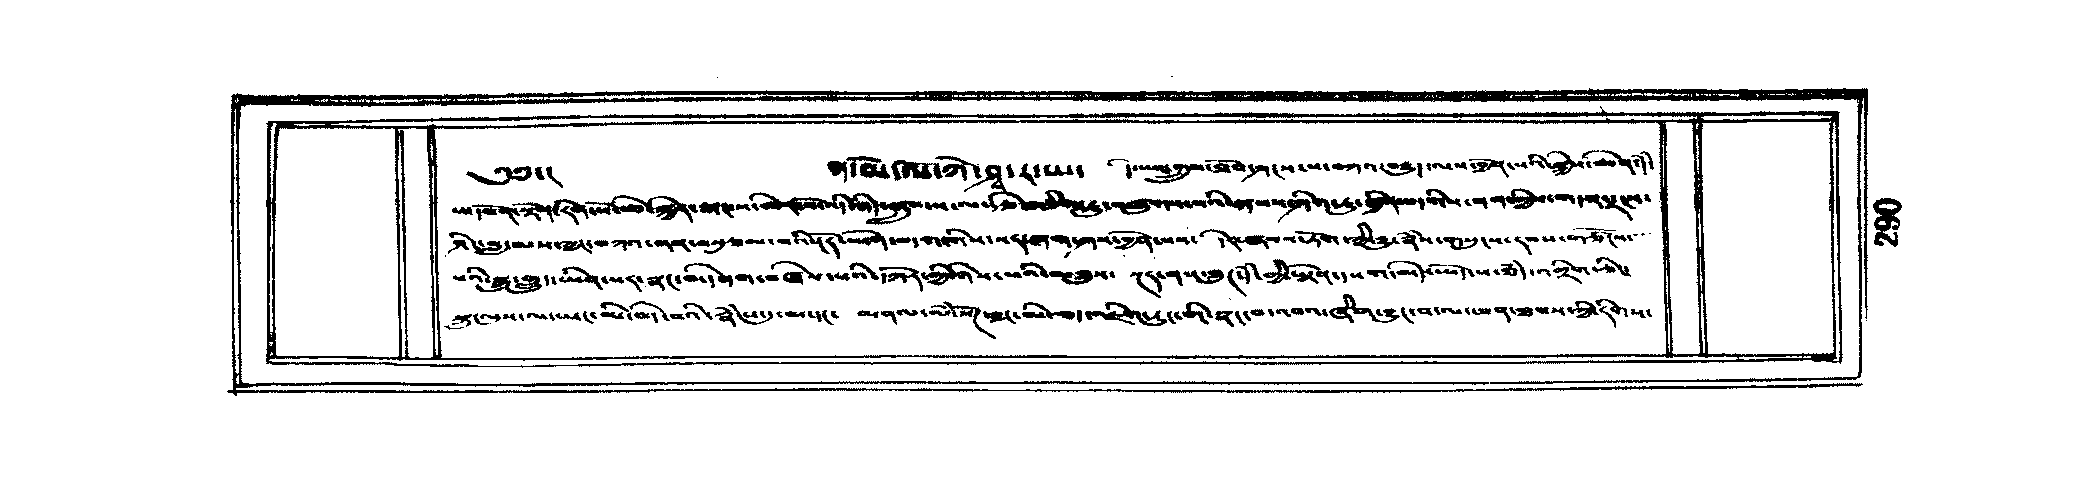ན་མོ་ལོ་ཀེ་ཤྭ་ར་ཡ། དེ་ནས་གྲུབ་ཐོབ་་ཤངས་པ་བཀའ་བརྒྱུད་ལས་བྱོན་པའི་སྐྱེས་ཆེན་དམ་
པ་དབོན་སྟོན་རིན་པོ་ཆེ་རྐྱེན་སྒང་ས་ཆེན་པོ་འདི་ཉིད་སྒྲུབ་པ་ལ་རྩེ་གཅིག་ཏུ་བཞུགས་པའི་སྐབས་ཤིག་ཏུ་སྦྱིན་བདག་གིས་ནན་གྱིས་གདན་དྲངས་
ཤིང་བླ་མས་ཀྱང་བཀའ་ནན་སྩལ་བའི་ངོར་ཡོན་བདག་གིས་སར་ཞག་ཤས་བྱོན་པས། དེར་ཞབས་ཏོག་གི་རྒྱུ་རྣམས་གསུངས་རབས་གཙོངས་
པའི་སྐུ་གླུད་ཡིན་པར་སྣང་བ་དེ་དག་བཞེས་པའི་དཀོར་གྱི་ཉེས་པའི་མཐུས། སྔར་ནས་ཐུགས་དམ་གྱི་ཡོན་ཏན་དཔག་མེད་ཡོད་པ་ཐམས་ཅད་འགྲིག་ཅིང་
སྐུ་ལུས་ལ་ཡང་མི་བདེ་བའི་རྣམ་པ་དུ་མ་དང་། མནལ་ལམ་སོགས་ཀྱང་མི་ཟད་འཇིག་རུང་གི་སྣང་བ་འབའ་ཞིག་བྱུང་བ་ལ་ཕན་ཐབས་ཀྱི་རིགས་